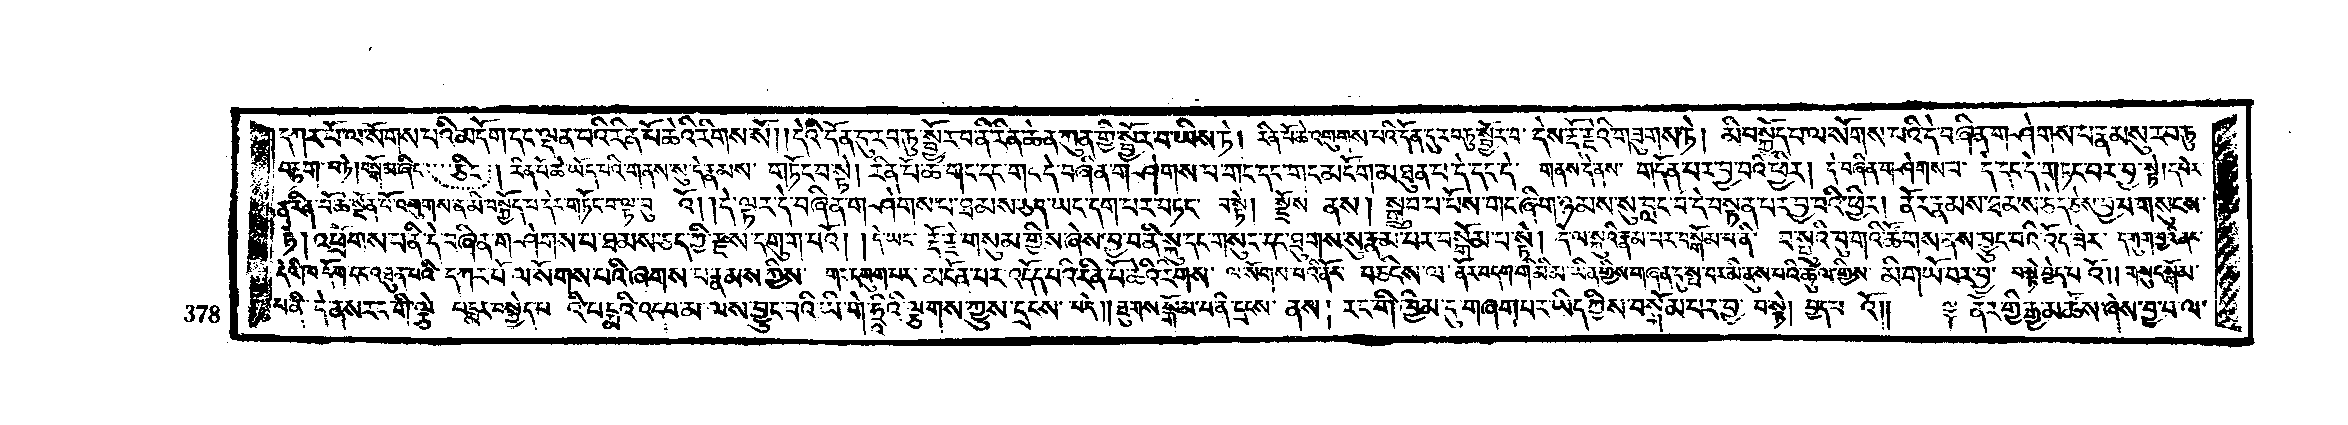དཀར་པོ་ལ་སོགས་པའི་མདོག་དང་ལྡན་པའི་རིན་པོ་ཆེའི་རིགས་སོ། །དེའི་དོན་དུ་རབ་ཏུ་སྦྱོར་བ་ནི་རིན་ཆེན་ཀུན་གྱི་སྦྱོར་བ་ཡིས་ཏེ། རིན་པོ་ཆེ་འགུགས་པའི་དོན་དུ་རབ་ཏུ་སྦྱོར་བ་དེས་རྡོ་རྗེའི་གཟུགས་ཏེ། མི་བསྐྱོད་པ་ལ་སོགས་པའི་དེ་བཞིན་གཤེགས་པ་རྣམས་སུ་རབ་ཏུ་
བརྟག་པ་ཏེ། བསྒོམ་ཞིང་ཅིང་། རིན་པོ་ཆེ་ཡོད་པའི་གནས་སུ་དེ་རྣམས་གཏོང་བ་སྟེ། རིན་པོ་ཆེ་གང་དང་གང་དེ་བཞིན་གཤེགས་པ་གང་དང་གང་མདོག་མཐུན་པ་དེ་དང་དེ་གནས་དེ་ནས་གདོན་པར་བྱ་བའི་ཕྱིར། དེ་བཞིན་གཤེགས་པ་དེ་དང་དེ་གཏང་བར་བྱ་སྟེ། དཔེར་
ན་རིན་པོ་ཆེ་སྔོན་པོ་འགུགས་ན་མི་བསྐྱོད་པ་དེར་གཏོང་བ་ལྟ་བུའོ། །དེ་ལྟར་དེ་བཞིན་གཤེགས་པ་ཐམས་ཅད་ཡང་དག་པར་བཏང་བ་སྟེ། སྤྲོས་ནས། སྒྲུབ་པ་པོས་གང་ཞིག་ཉམས་སུ་བླང་བ་དེ་བསྟན་པར་བྱ་བའི་ཕྱིར། ནོར་རྣམས་ཐམས་ཅད་ཅེས་བྱ་བ་གསུངས་
ཏེ། འཕྲོགས་པ་ནི་དེ་བཞིན་གཤེགས་པ་ཐམས་ཅད་ཀྱི་རྫས་དགུག་པའོ། ། དེ་ཡང་རྡོ་རྗེ་གསུམ་གྱིས་ཞེས་བྱ་བ་ནི་སྐུ་དང་གསུང་དང་ཐུགས་སུ་རྣམ་པར་བསྒོམ་པ་སྟེ། དེ་ལ་སྐུའི་རྣམ་པར་བསྒོམ་པ་ནི་བ་སྤུའི་བུ་གའི་ཚོགས་ནས་བྱུང་བའི་འོད་ཟེར་དགུག་བྱའི་ནར་
དེའི་ཁ་དོག་དང་འཐུན་པའི་དཀར་པོ་ལ་སོགས་པའི་ཞགས་པ་རྣམས་ཀྱིས་གང་དགུག་པར་མངོན་པར་འདོད་པའི་རིན་པོ་ཆེའི་རིགས་ལ་སོགས་པའི་ནོར་བཅིངས་ལ་ནོར་བདག་གི་མི་མ་ཡིན་གྱིས་གཞན་དུས་པ་བར་མི་ནུས་པའི་ཚུལ་གྱིས་མི་གཡོ་བར་བྱ་བ་སྟེ་བྱེད་པའོ། །གསུང་སྒོམ་
པར་དེ་ནས་རང་གི་ལྕེ་པདམར་བསྐྱེད་པའི་པདམའི་འདབ་མ་ལས་བྱུང་བའི་ཡི་གེ་ཧྲཱིའི་ལྕགས་ཀྱུས་དྲངས་པའོ། །ཐུགས་སྒོམ་པ་ནི་དྲངས་ནས། རང་གི་ཁྱིམ་དུ་གཞག་པར་ཡིད་ཀྱིས་བསྒོམ་པར་བྱ་བ་སྟེ། བྱད་པའོ།།  ༈ ནོར་གྱི་རྒྱ་མཚོས་ཞེས་བྱ་བ་ལ་